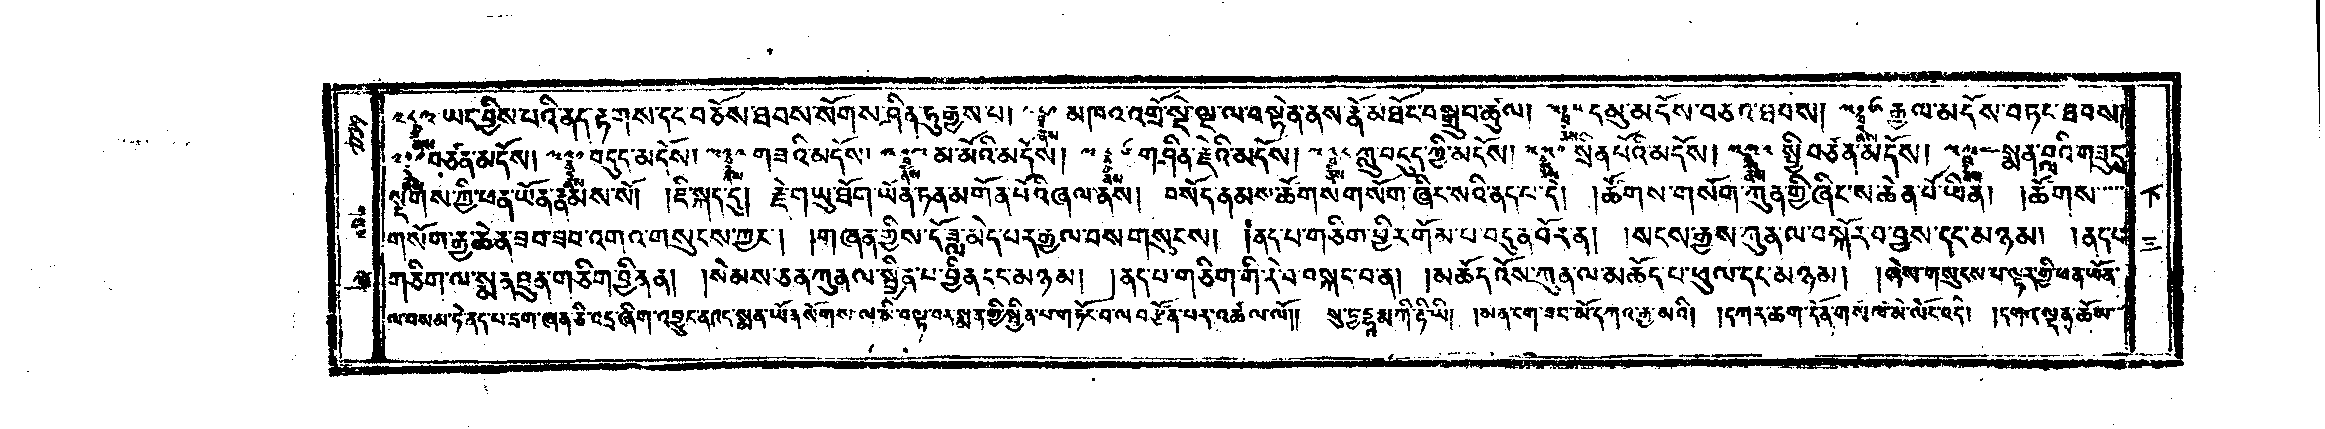༢༨༣བ༣ནས་ཡང་བྱིས་པའི་ནད་རྟགས་དང་བཅོས་ཐབས་སོགས་ཤིན་ཏུ་རྒྱས་པ། ༢༨༤?བ༡?ནས་མཁའ་འགྲོ་སྡེ་ལྔ་ལ་བསྟེན་ནས་རྣོ་མཐོང་བསྒྲུབ་ཚུལ། ༣༡༥བ༡ནས་དམུ་མདོས་བཅའ་ཐབས། ༣༡༦བ༢ནས་རྒྱལ་མདོས་བཏང་ཐབས།
༣༡༩ན?ནས་བཙན་མདོས། ༣༢༡ན༢ནས་བདུད་མདོས། ༣༢༢བ༢ནས་གཟའི་མདོས། ༣༢༣ན༤ནས་མ་མོའི་མདོས། ༣༢༦ན༦?ནས་གཤིན་རྗེའི་མདོས། ༣༢༨བ༤ནས་ཀླུ་བདུད་ཀྱི་མདོས། ༣༣༠ན༣ནས་སྲིན་པོའི་མདོས། ༣༣༢ན༣?ནས་སྤྱི་བཙན་མདོས། ༣༣༤བ༢ནས་སྨན་བླའི་གཟུངས་
སྔགས་ཀྱི་ཕན་ཡོན་རྣམས་སོ། །ཇི་སྐད་དུ། རྗེ་གཡུ་ཐོག་ཡོན་ཏན་མགོན་པོའི་ཞལ་ནས། བསོད་ནམས་ཚོགས་གསོག་ཞིང་སའི་ནད་པ་དེ། །ཚོགས་གསོག་ཀུན་གྱི་ཞིང་ས་ཆེན་པོ་ཡིན། །ཚོགས་
གསོག་རྒྱ་ཆེན་ཟབ་ཟབ་འགའ་གསུངས་ཀྱང་། །གཞན་གྱིས་དོ་ཟླ་མེད་པར་རྒྱལ་བས་གསུངས། །ནད་པ་གཅིག་ཕྱིར་གོམ་པ་བདུན་པོར?་ན། །སངས་རྒྱས་ཀུན་ལ་བསྐོར་བ་བྱས་དང་མཉམ། །ནད་པ་
གཅིག་ལ་སྨན་ཐུན་གཅིག་བྱིན་ན། །སེམས་ཅན་ཀུན་ལ་སྦྱིན་པ་བྱིན་དང་མཉམ། །ནད་པ་གཅིག་གི་རེ་བ་བསྐང་བ་ན། །མཆོད་འོས་ཀུན་ལ་མཆོད་པ་ཕུལ་དང་མཉམ། །ཞེས་གསུངས་པ་ལྟར་གྱི་ཕན་ཡོན་
ལ་བསམ་ཏེ་ནད་པ་དྲག་ཞན་ཅི་འདྲ་ཞིག་འབྱུང་ནའང་སྨན་ཡོན་སོགས་ལ་མི་བལྟ་བར་སྨན་གྱི་སྦྱིན་པ་གཏོང་བ་ལ་བརྩོན་པར་འཚལ་ལོ།། སུ་ཏྱ་དྷཱརྨ་ཀི་རྟི་ཡི། །མན་ངག་ཟབ་མོ་དཀའ་རྒྱ་མའི། །དཀར་ཆག་དོན་གསལ་མེ་ལོང་འདི། །དགའ་ལྡན་ཆོས་